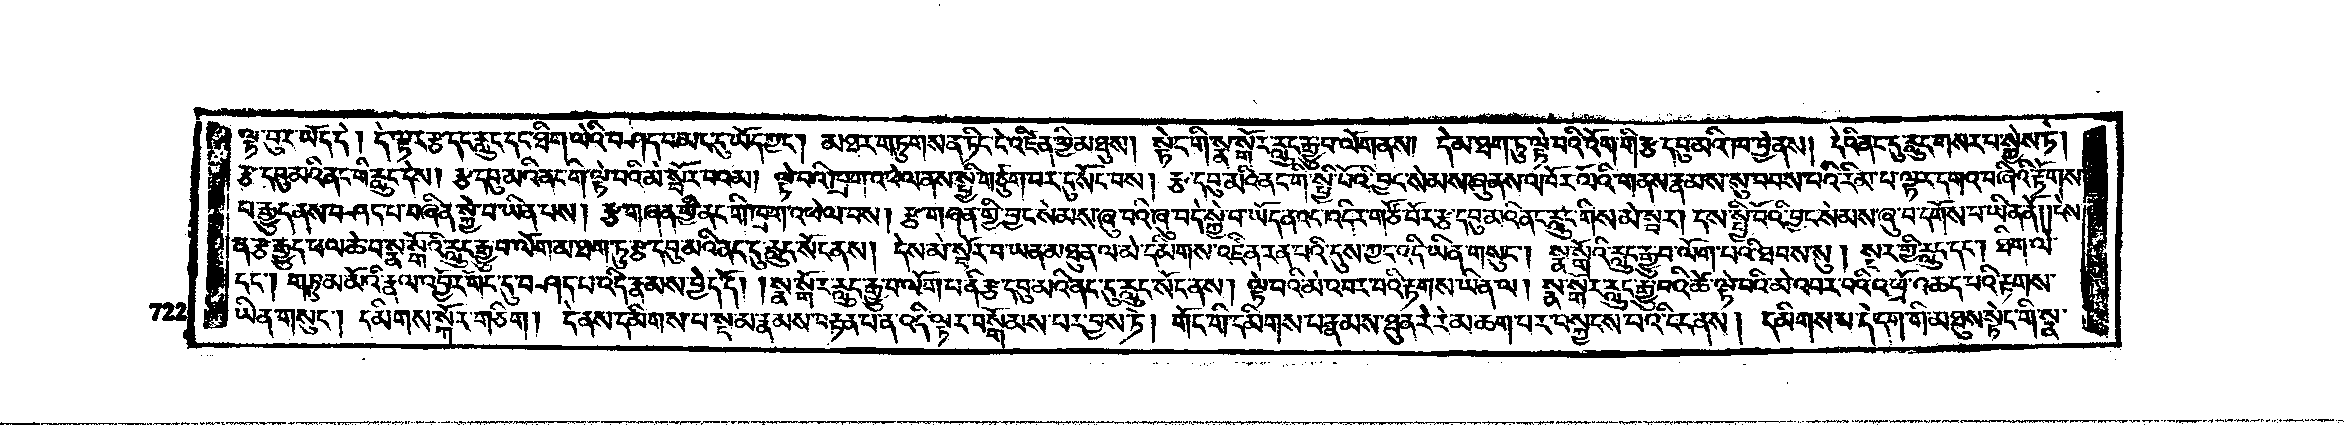ལྟ་བུར་ཡོད་དེ། དེ་ལྟར་རྩ་དང་རླུང་དང་ཐིག་ལེའི་བཤད་པ་མང་དུ་ཡོད་ཀྱང་། མཐར་གཏུགས་ན་ཏིང་ངེ་འཛིན་གྱི་མཐུས། སྟེང་གི་སྣ་སྒོར་རླུང་རྒྱུ་བ་ལོག་ནས། དེ་མ་ཐག་ཏུ་ལྟེ་བའི་འོག་གི་རྩ་དབུ་མའི་ཁ་བྱེ་ནས། དེའི་ནང་དུ་རླུང་གསར་པ་སྐྱེས་ཏེ།
རྩ་དབུ་མའི་ནང་གི་རླུང་དེས། རྩ་དབུ་མའི་ནང་གི་ལྟེ་བའི་མེ་སྦོར་བའམ། ལྟེ་བའི་ཁྲག་འཕེལ་ནས་སྤྱི་གཙུག་བར་དུ་སོང་བས། རྩ་དབུ་མའི་ནང་གི་སྤྱི་བོའི་བྱང་སེམས་ཞུ་ནས་འཁོར་ལོའི་གནས་རྣམས་སུ་བབས་པའི་རིམ་པ་ལྟར་དགའ་བཞིའི་རྟོགས་
པ་རྒྱུད་ནས་བཤད་པ་བཞིན་སྐྱེ་བ་ཡིན་པས། རྩ་གཞན་གྱི་ནང་གི་ཁྲག་འཕེལ་བས། རྩ་གཞན་གྱི་བྱང་སེམས་ཞུ་བའི་ཞུ་བདེ་སྐྱེ་བ་ཡོད་ནའང་། འདིར་གཙོ་བོར་རྩ་དབུ་མའི་ནང་རླུང་གིས་མེ་སྦར། དེས་སྤྱི་བོའི་བྱང་སེམས་ཞུ་བ་དགོས་པ་ཡིན་ནོ། །དེས་
ན་རྩ་རྒྱུད་ཕལ་ཆེ་བ་སྣ་སྒོའི་རླུང་རྒྱུ་བ་ལོག་མ་ཐག་ཏུ་རྩ་དབུ་མའི་ནང་དུ་རླུང་སོང་ནས། དེས་མེ་སྦོར་བ་ཡན་མཐུན་ལ་མེ་དམིགས་འཛིན་རན་པའི་དུས་ཀྱང་འདི་ཡིན་གསུང་། སྣ་སྒོའི་རླུང་རྒྱུ་བ་ལོག་པའི་ཐབས་སུ། སྔར་གྱི་རླུང་དང་། ཐིག་ལེ་
དང་། གཏུམ་མོའི་རྣལ་འབྱོར་གོང་དུ་བཤད་པ་འདི་རྣམས་བྱེད་དོ། །སྣ་སྒོར་རླུང་རྒྱུ་བ་ལོག་པ་ནི་རྩ་དབུ་མའི་ནང་དུ་རླུང་སོང་ནས། ལྟེ་བའི་མེ་འབར་བའི་རྟགས་ཡིན་ལ། སྣ་སྒོར་རླུང་རྒྱུ་བའི་ཚེ་ལྟེ་བའི་མེ་འབར་བའི་འཕྲོ་འཆད་པའི་རྟགས་
ཡིན་གསུང་། དམིགས་སྐོར་གཅིག། དེ་ནས་དམིགས་པ་སྔ་མ་རྣམས་བརྟན་པ་ན་འདི་ལྟར་བསྒོམས་པར་བྱས་ཏེ། གོང་གི་དམིགས་པ་རྣམས་ཐུན་རེ་རེ་མ་ཆག་པར་བསྐྱངས་པའི་ངང་ནས། དམིགས་པ་དེ་དག་གི་མཐུས་སྟེང་གི་སྣ་